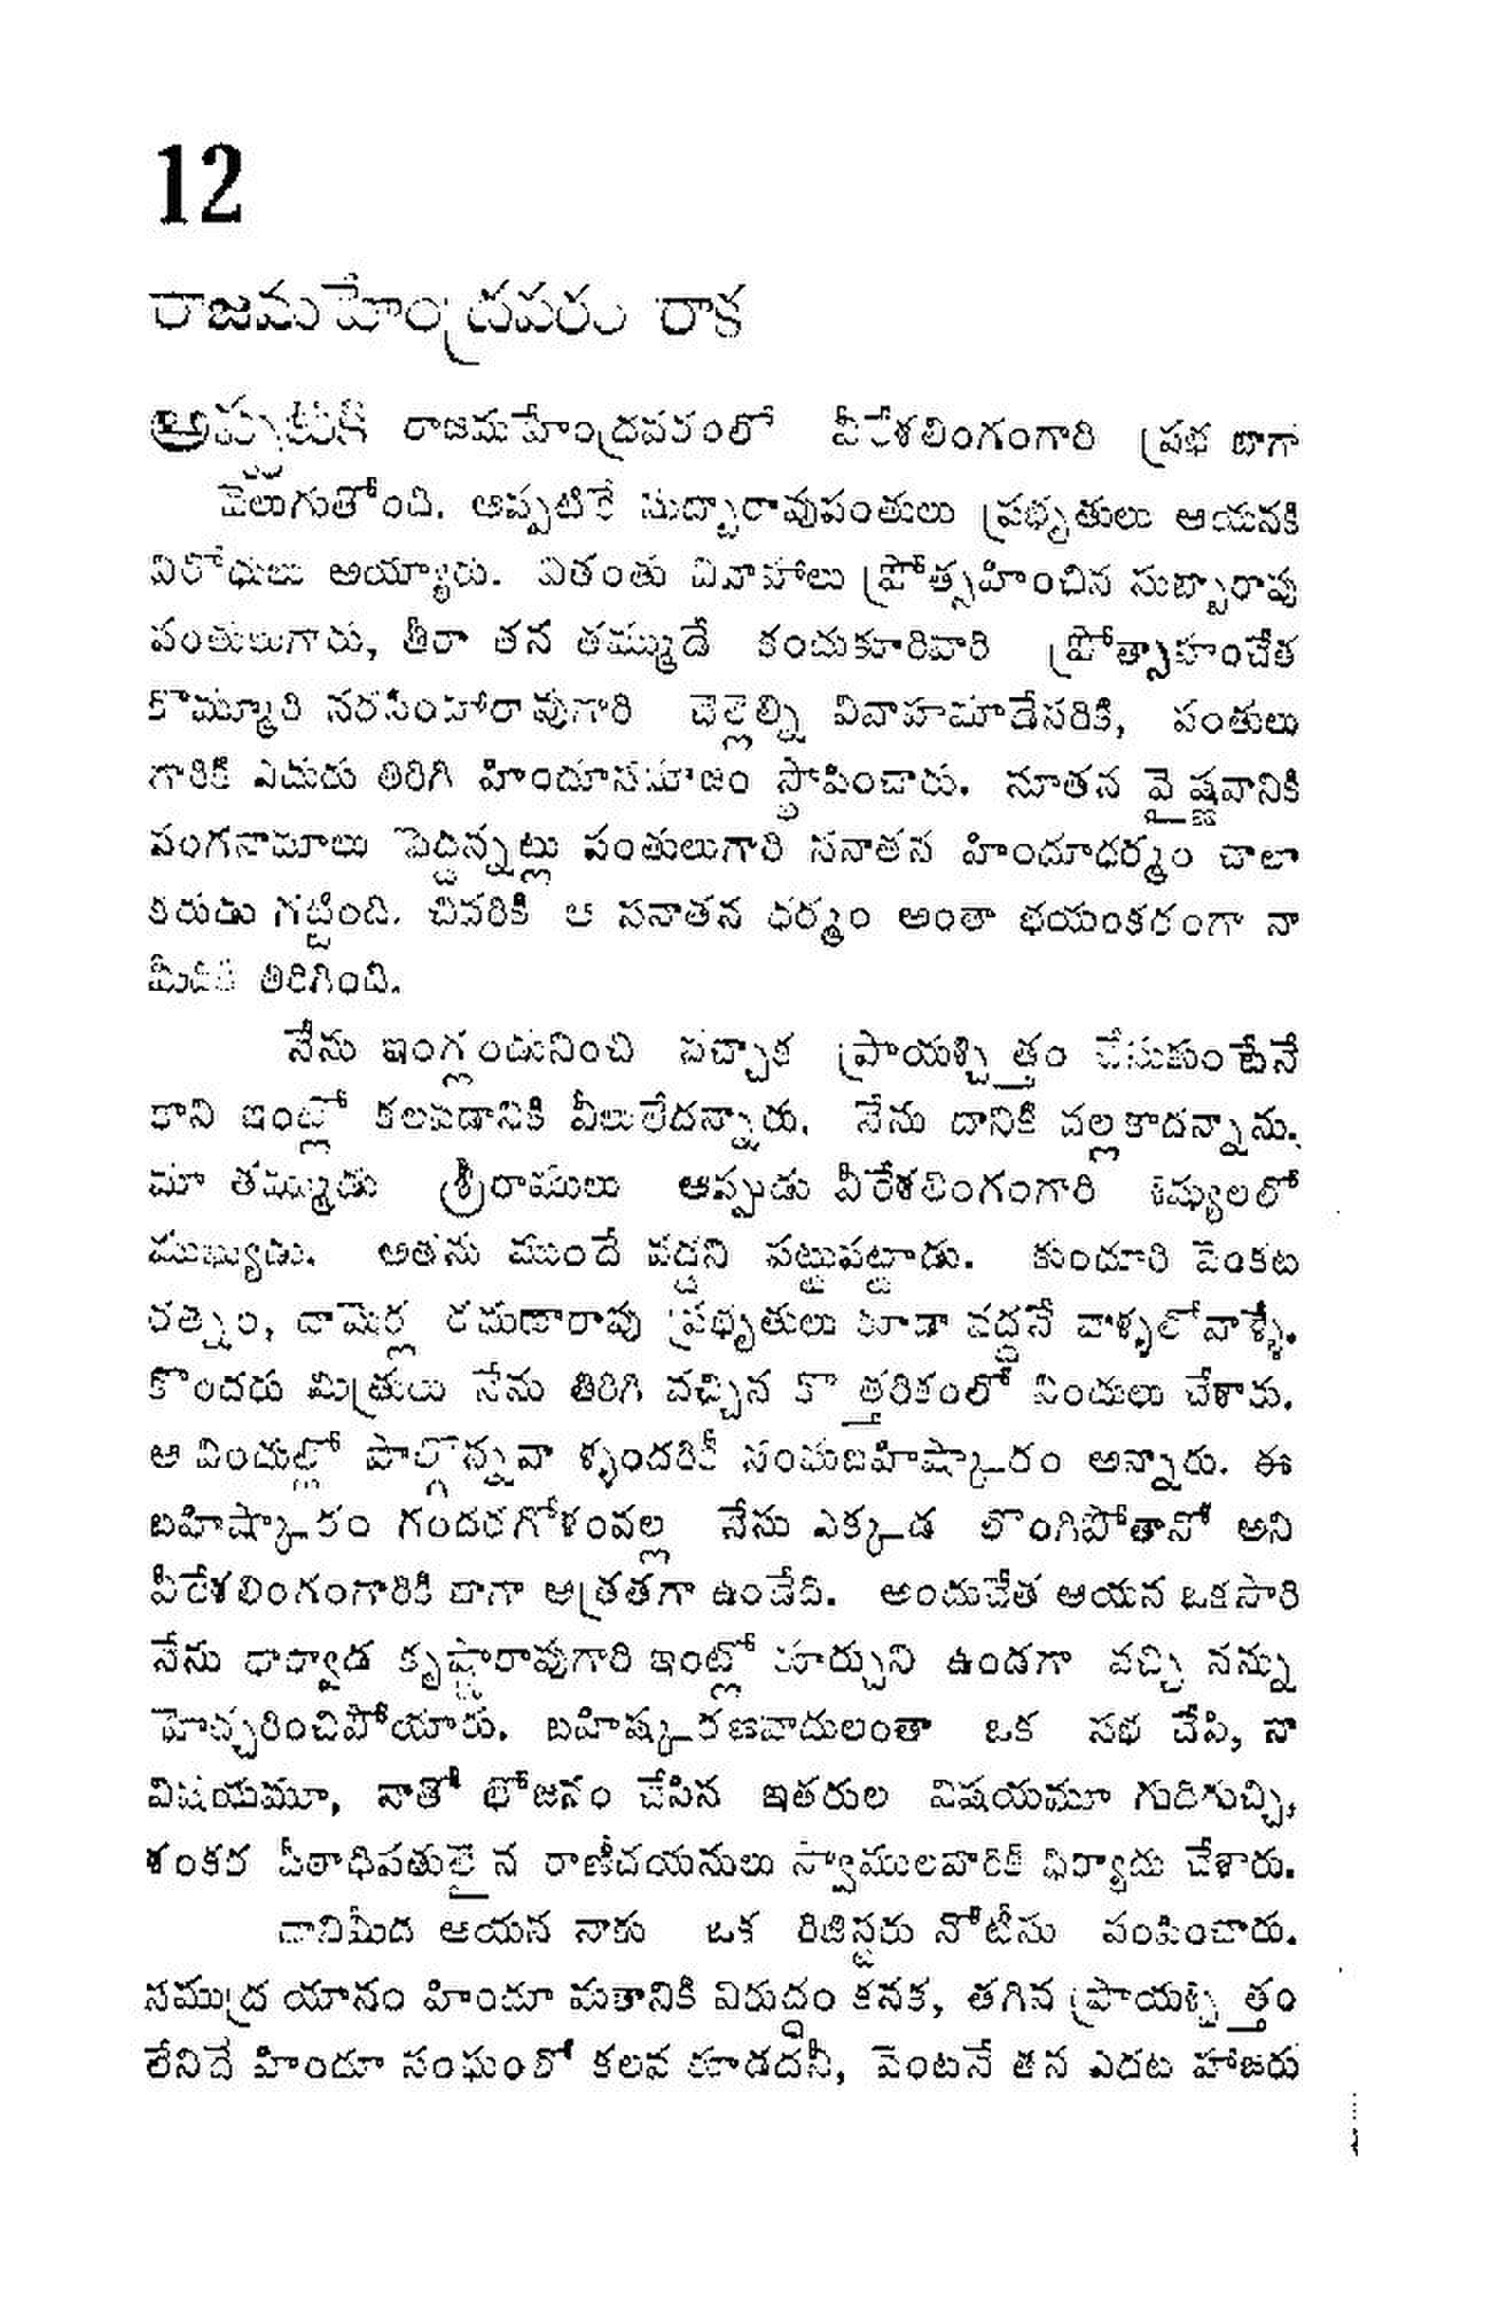అప్పటికి రాజమహేంద్రవరంలో వీరేశలింగంగారి ప్రభ బాగా వెలుగుతోంది. అప్పటికే సుబ్బారావుపంతులు ప్రభృతులు ఆయనకి విరోధులు అయ్యారు. వితంతు వివాహాలు ప్రోత్సహించిన సుబ్బారావు పంతులుగారు, తీరా తన తమ్ముడే కందుకూరివారి ప్రోత్సాహంచేత కొమ్మూరి నరసింహారావుగారి చెల్లెల్ని వివాహమాడేసరికి, పంతులు గారికి ఎదురు తిరిగి హిందూసమాజం స్థాపించారు. నూతన వైష్ణవానికి పంగనామాలు పెద్దన్నట్లు పంతులుగారి సనాతన హిందూధర్మం చాలా కరుడు గట్టింది. చివరికి ఆ సనాతన ధర్మం అంతా భయంకరంగా నా మీదికి తిరిగింది.

నేను ఇంగ్లండునించి వచ్చాక ప్రాయశ్చిత్తం చేసుకుంటేనే కాని ఇంట్లో కలవడానికి వీలులేదన్నారు. నేను దానికి వల్లకాదన్నాను. మా తమ్ముడు శ్రీరాములు అప్పుడు వీరేశలింగంగారి శిష్యులలో ముఖ్యుడు. అతను ముందే వద్దని పట్టుపడ్డాడు. కందుకూరి వెంకటరత్నం, దామెర్ల రమణారావు ప్రభృతులు కూడా వద్దనే వాళ్ళలోవాళ్ళే, కొందరు మిత్రులు నేను తిరిగి వచ్చిన కొత్తరికంలో విందులు చేశారు. ఆ విందులో పాల్గొన్నవా ళ్ళందరికీ సంఘబహిష్కారం అన్నారు. ఈ బహిష్కారం గందరగోళంవల్ల నేను ఎక్కడ లొంగిపోతానో అని వీరేశలింగంగారికి బాగా ఆత్రతగా ఉండేది. అందుచేత ఆయన ఒకసారి నేను ధార్వాడ కృష్ణారావుగారి ఇంట్లో కూర్చుని ఉండగా వచ్చి నన్ను హెచ్చరించిపోయారు. బహిష్కరణ వాదులంతా ఒక సభ చేసి, నా విషయము, నాతో భోజనం చేసిన ఇతరుల విషయమూ గుదిగుచ్చి, శంకర పీఠాధిపతులైన రాణీచయనులు స్వాములవారికి ఫిర్యాదు చేశారు.

దానిమీద ఆయన నాకు ఒక రిజిస్టరు నోటీసు పంపించారు. సముద్ర యానం హిందూ మతానికి విరుద్దం కనక, తగిన ప్రాయశ్చిత్తం లేనిదే హిందూ సంఘంలో కలవ కూడదనీ, వెంటనే తన ఎదట హాజరు